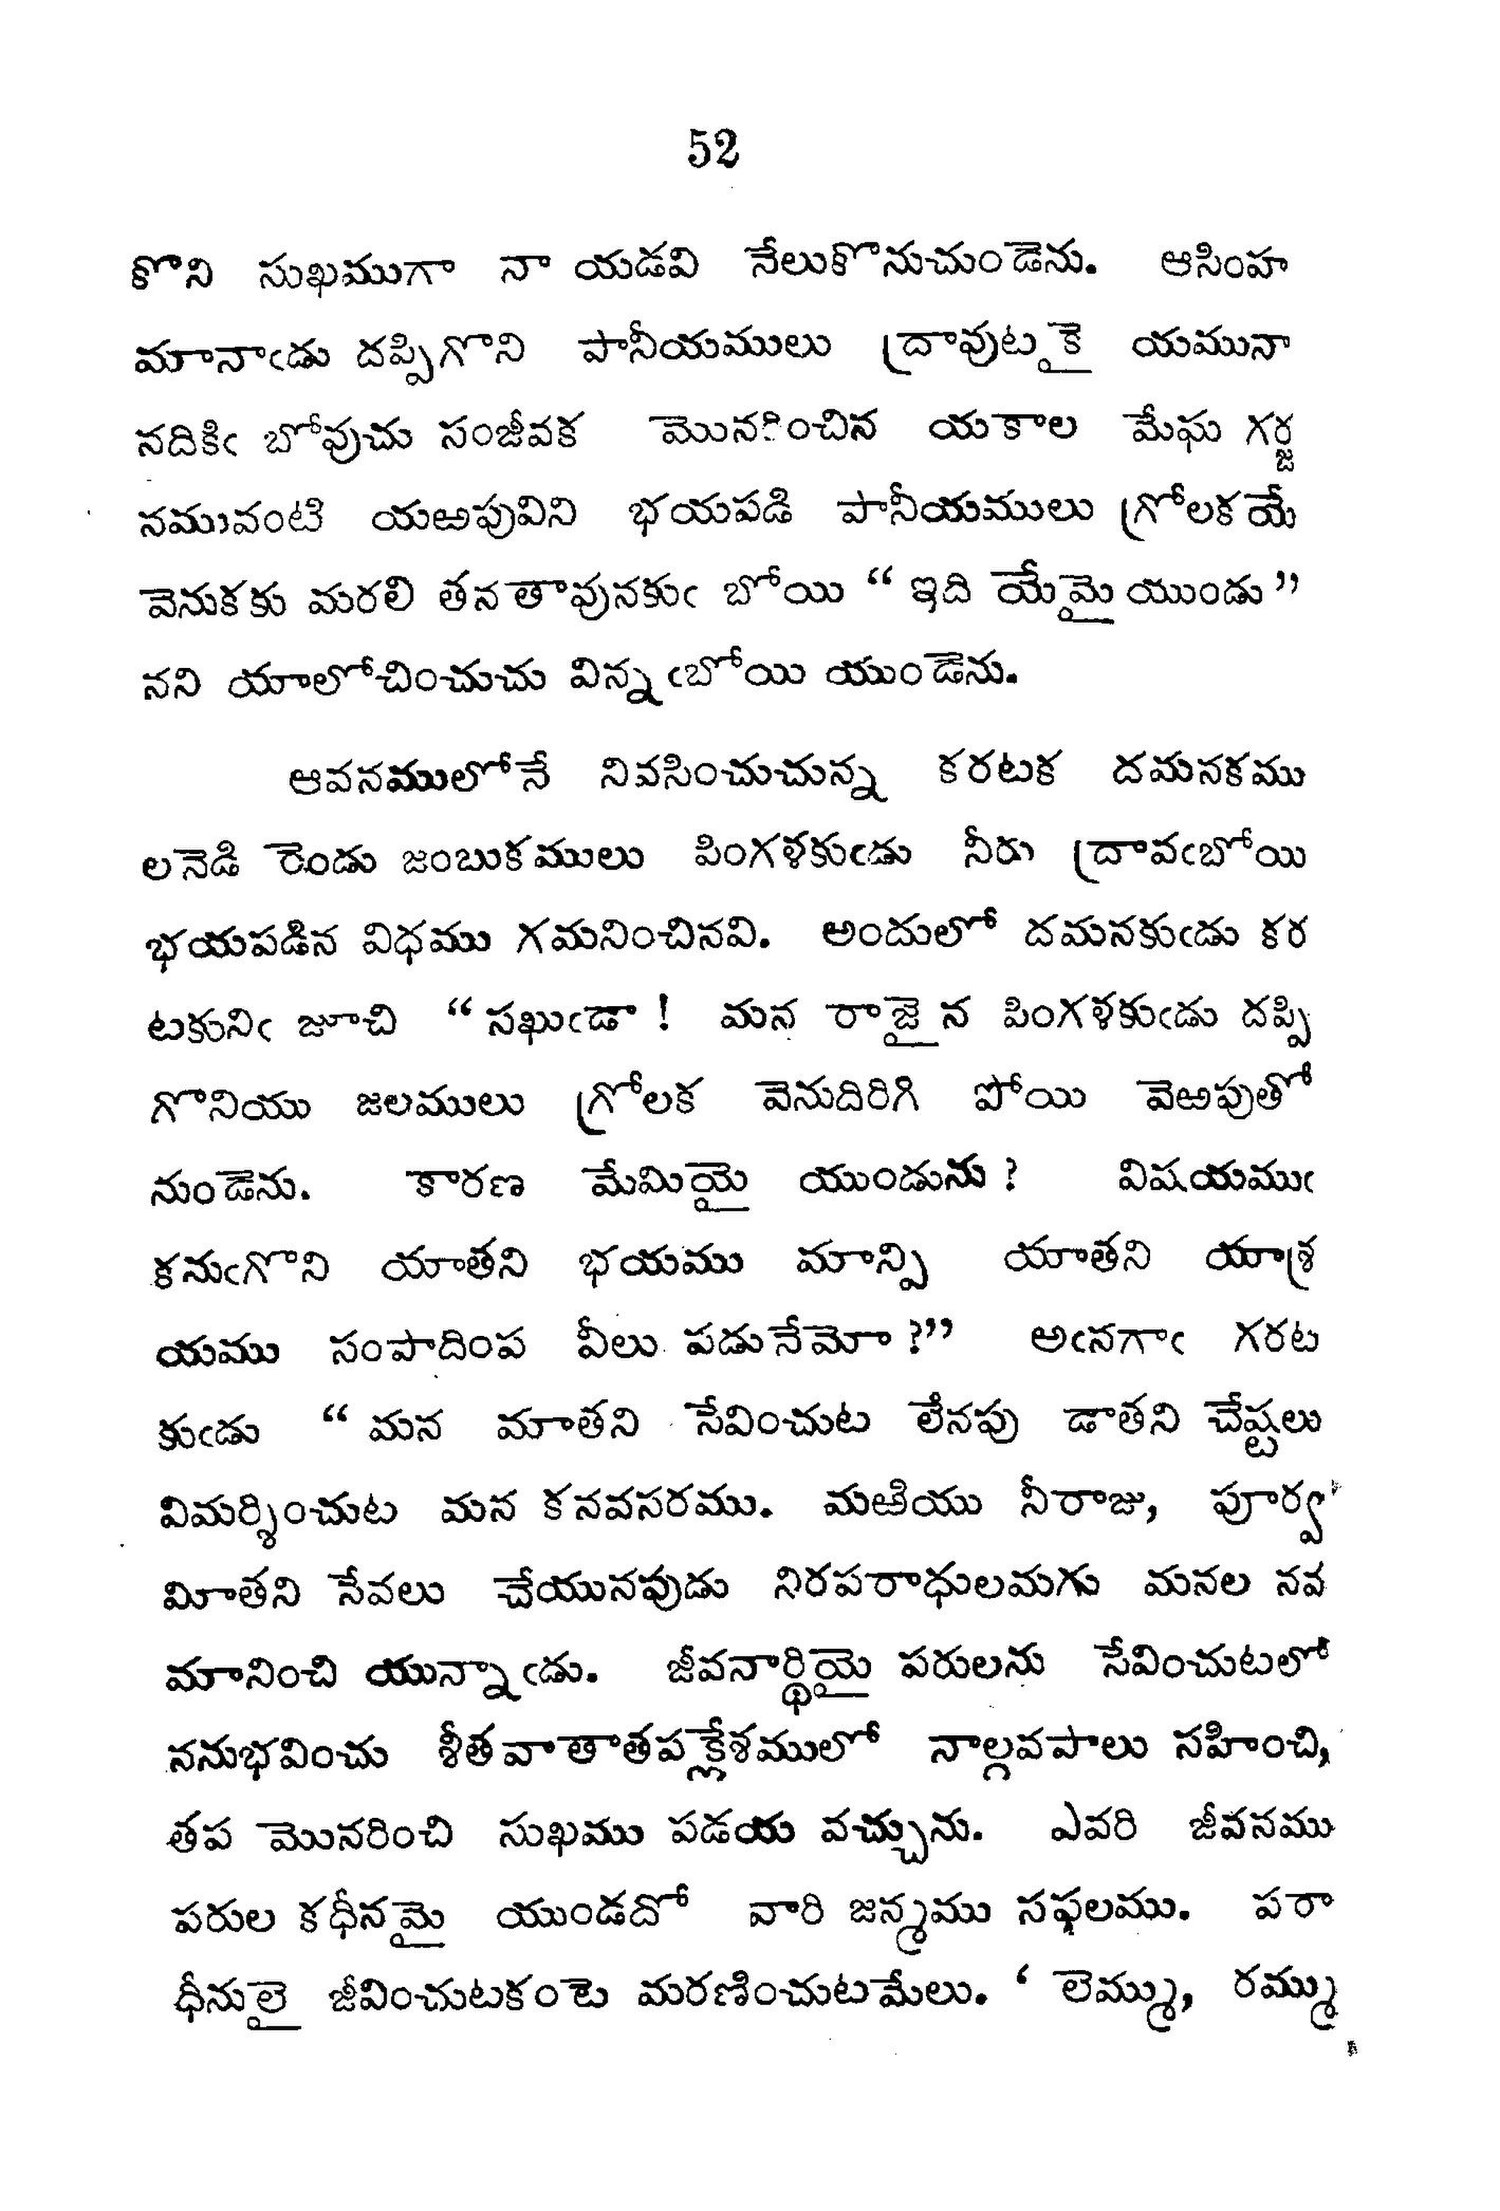కొని సుఖముగా నా యడవి నేలుకొనుచుండెను. ఆసింహ మానాడు దప్పిగొని పానీయములు ద్రావుటకై యమునానదికి బోవుచు సంజీవక మొనరించిన యకాల మేఘ గర్జనమువంటి యఱపువిని భయపడి పానీయములు గ్రోలకయే వెనుకకు మరలి తనతావునకు బోయి "ఇది యేమై యుండు" నని యాలోచించుచు విన్న బోయి యుండెను.

ఆవనములోనే నివసించుచున్న కరటక దమనకము లనెడి రెండు జంబుకములు పింగళకుడు నీరు ద్రావబోయి భయపడిన విధము గమనించినవి. అందులో దమనకుడు కరటకుని జూచి "సఖుడా! మన రాజైన పింగళకుడు దప్పిగొనియు జలములు గ్రోలక వెనుదిరిగి పోయి వెఱపుతో నుండెను. కారణ మేమియై యుండును? విషయము కనుగొని యాతని భయము మాన్పి యాతని యాశ్రయము సంపాదింప వీలు పడునేమో?" అనగా గరటకుడు "మన మాతని సేవించుట లేనపు డాతని చేష్టలు విమర్శించుట మన కనవసరము. మఱియు నీరాజు, పూర్వ మీతని సేవలు చేయునపుడు నిరపరాధులమగు మనల నవమానించి యున్నాడు. జీవనార్థియై పరులను సేవించుటలో ననుభవించు శీతవాతాతపక్లేశములో నాల్గవపాలు సహించి, తప మొనరించి సుఖము పడయ వచ్చును. ఎవరి జీవనము పరుల కధీనమై యుండదో వారి జన్మము సఫలము. పరాధీనులై జీవించుటకంటె మరణించుటమేలు. "లెమ్ము, రమ్ము